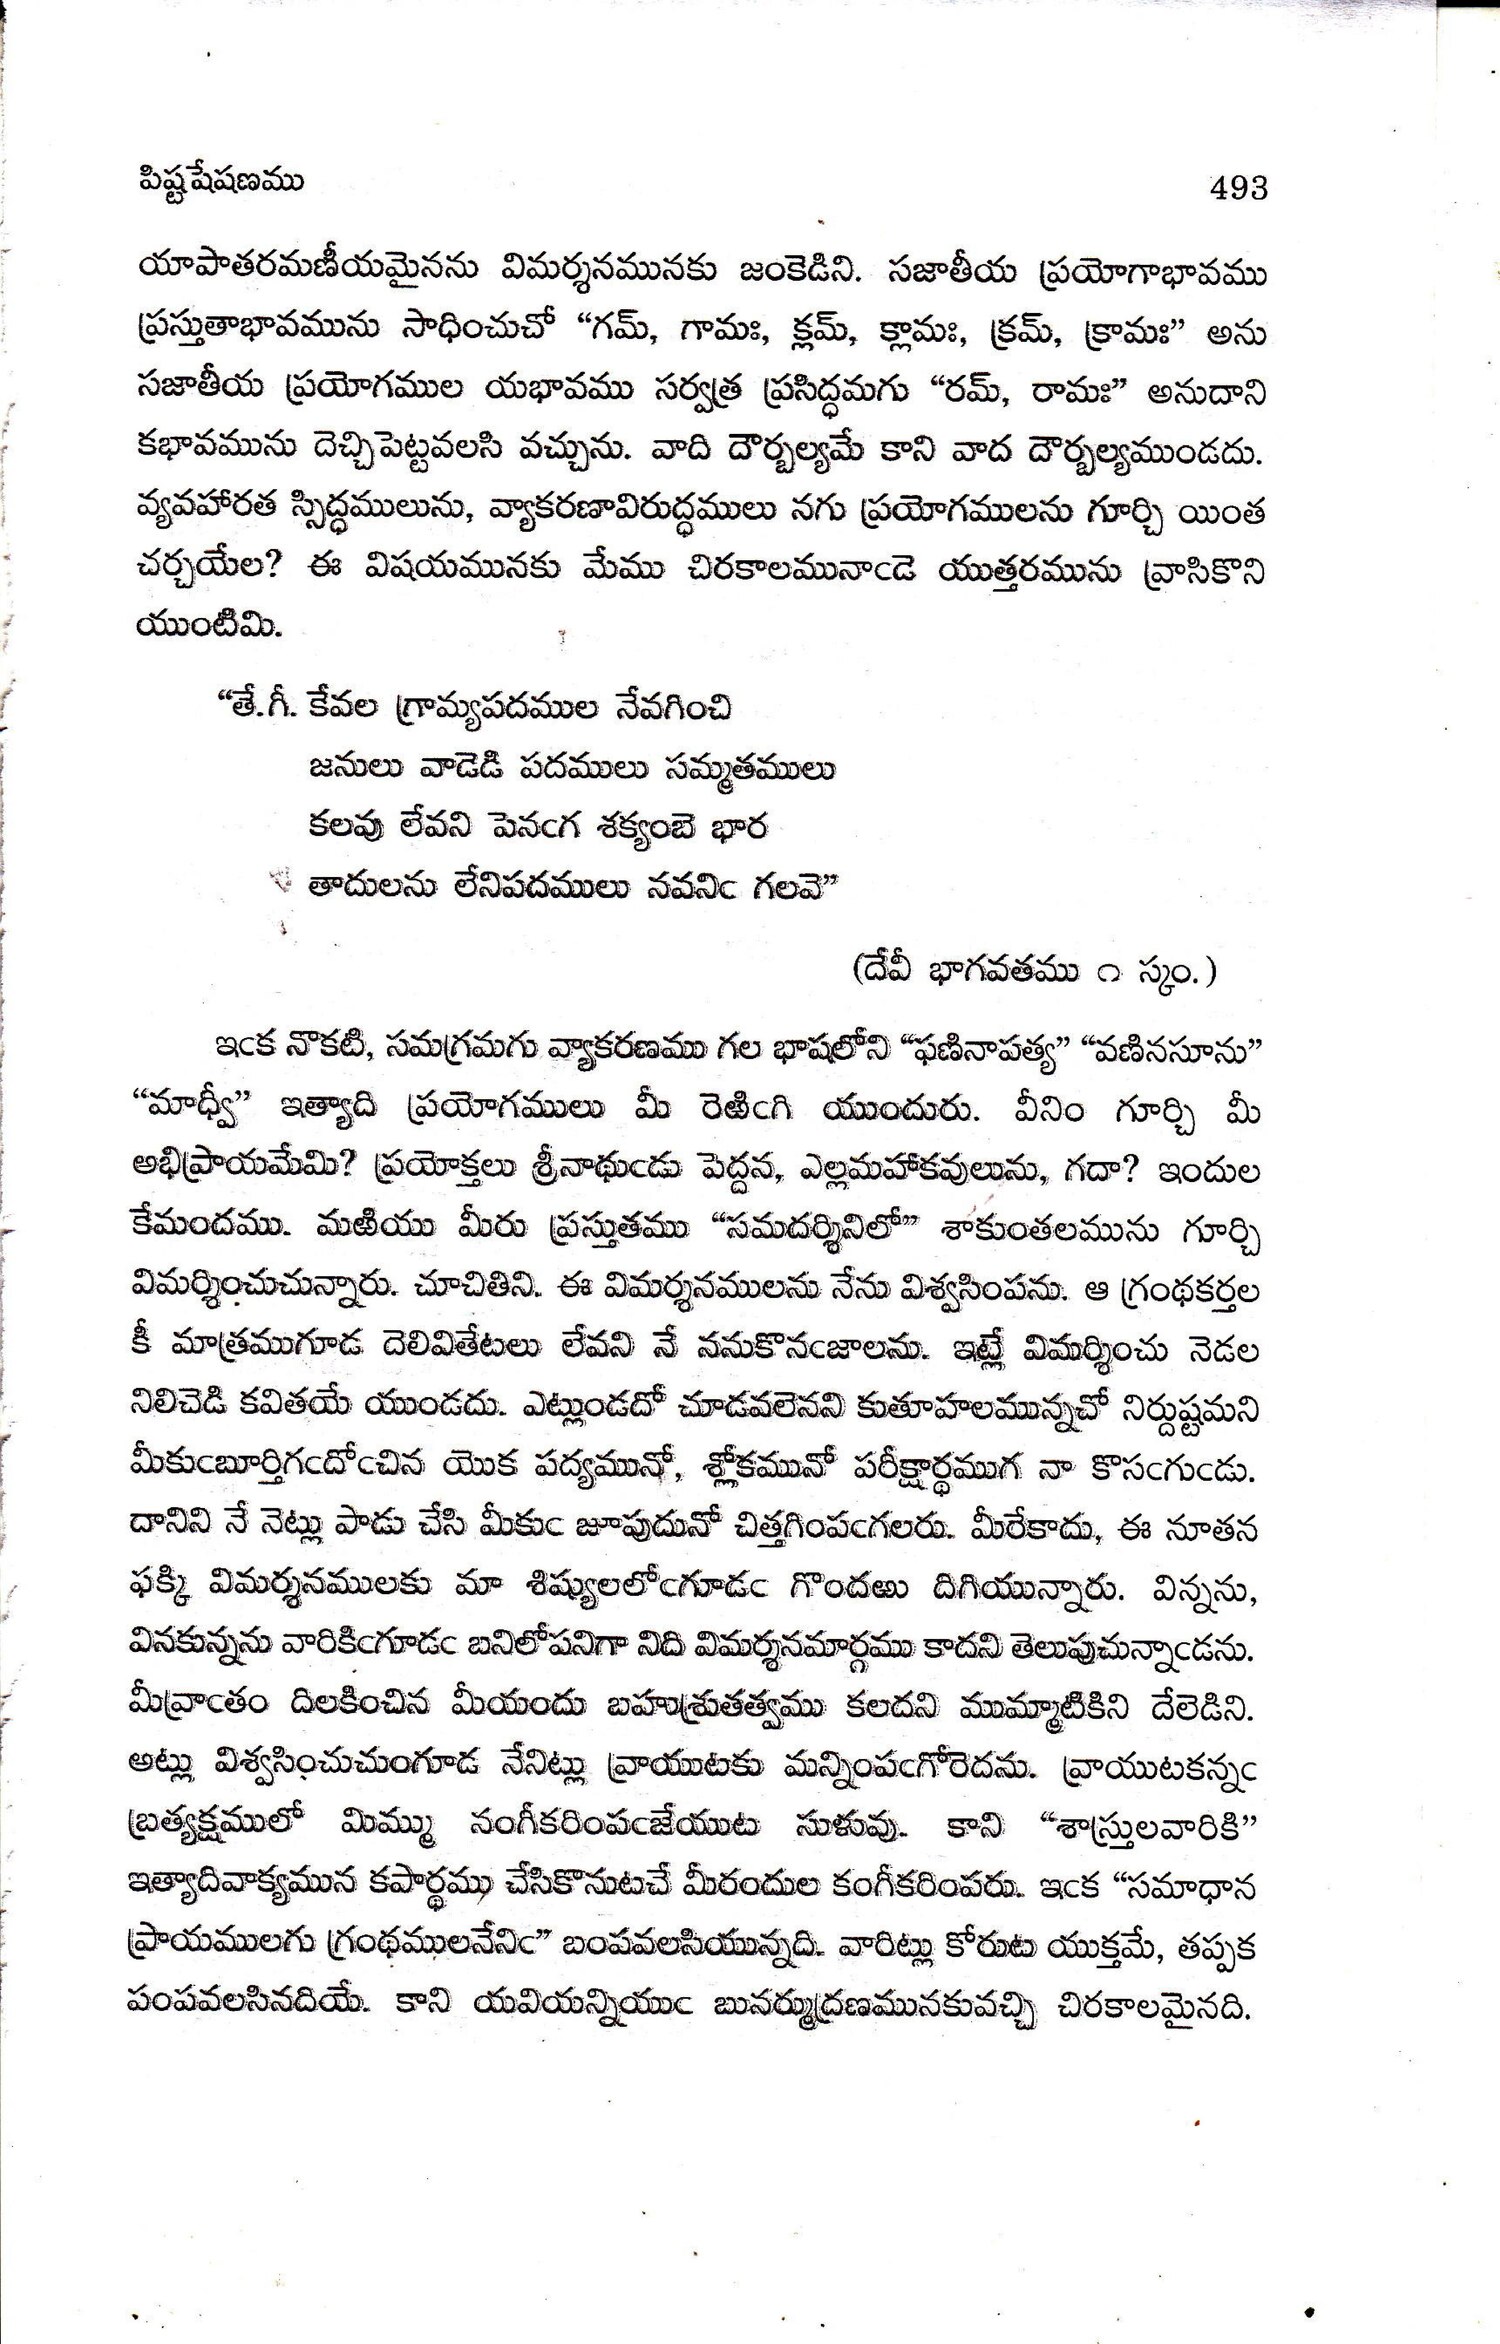యాపాతరమణీయమైనను విమర్శనమునకు జంకెడిని. సజాతీయ ప్రయోగాభావము ప్రస్తుతాభావమును సాధించుచో “గమ్, గామః, క్లమ్, క్లామః, క్రమ్, క్రామః" అను సజాతీయ ప్రయోగముల యభావము సర్వత్ర ప్రసిద్ధమగు "రమ్, రామః" అనుదాని కభావమును దెచ్చిపెట్టవలసి వచ్చును. వాది దౌర్బల్యమే కాని వాద దౌర్బల్యముండదు. వ్యవహారత స్సిద్ధములును, వ్యాకరణావిరుద్ధములు నగు ప్రయోగములను గూర్చి యింత చర్చయేల? ఈ విషయమునకు మేము చిరకాలమునాఁడె యుత్తరమును వ్రాసికొని యుంటిమి.

“తే. గీ. కేవల గ్రామ్యపదముల నేవగించి
 జనులు వాడెడి పదములు సమ్మతములు 
 కలవు లేవని పెనఁగ శక్యంబె భార 
 తాదులను లేనిపదములు నవనిఁ గలవె"
 (దేవీ భాగవతము 1 స్కం.)
ఇఁక నొకటి, సమగ్రమగు వ్యాకరణము గల భాషలోని “ఫణినాపత్య” “వణినసూను” “మాధ్వీ" ఇత్యాది ప్రయోగములు మీ రెఱిఁగి యుందురు. వీనిం గూర్చి మీ అభిప్రాయమేమి? ప్రయోక్తలు శ్రీనాథుఁడు పెద్దన, ఎల్లమహాకవులను, గదా? ఇందుల కేమందము. మఱియు మీరు ప్రస్తుతము “సమదర్శినిలో" శాకుంతలమును గూర్చి విమర్శించుచున్నారు. చూచితిని. ఈ విమర్శనములను నేను విశ్వసింపను. ఆ గ్రంథకర్తల కీ మాత్రముగూడ దెలివితేటలు లేవని నే ననుకొనఁజాలను. ఇట్లే విమర్శించు నెడల నిలిచెడి కవితయే యుండదు. ఎట్లుండదో చూడవలెనని కుతూహలమున్నచో నిర్దుష్టమని మీకుఁబూర్తిగఁదోఁచిన యొక పద్యమునో་, శ్లోకమునో పరీక్షార్థముగ నా కొసఁగుఁడు. దానిని నే నెట్లు పాడు చేసి మీకుఁ జూపుదునో చిత్తగింపఁగలరు. మీరేకాదు, ఈ నూతన ఫక్కి విమర్శనములకు మా శిష్యులలోఁగూడఁ గొందఱు దిగియున్నారు. విన్నను, వినకున్నను వారికిఁగూడఁ బనిలోపనిగా నిది విమర్శనమార్గము కాదని తెలుపుచున్నాఁడను. మీ వ్రాఁతం దిలకించిన మీయందు బహుశ్రుతత్వము కలదని ముమ్మాటికిని దేలెడిని. అట్లు విశ్వసించుచుంగూడ నేనిట్లు వ్రాయుటకు మన్నింపఁగోరెదను. వ్రాయుటకన్నఁ బ్రత్యక్షములో మిమ్ము నంగీకరింపఁజేయుట సుళువు. కాని "శాస్త్రులవారికి" ఇత్యాదివాక్యమున కపార్థము చేసికొనుటచే మీరందుల కంగీకరింపరు. ఇఁక “సమాధాన ప్రాయములగు గ్రంథములనేనిఁ” బంపవలసియున్నది. వారిట్లు కోరుట యుక్తమే, తప్పక పంపవలసినదియే. కాని యవియన్నియుఁ బునర్ముద్రణమునకువచ్చి చిరకాలమైనది.